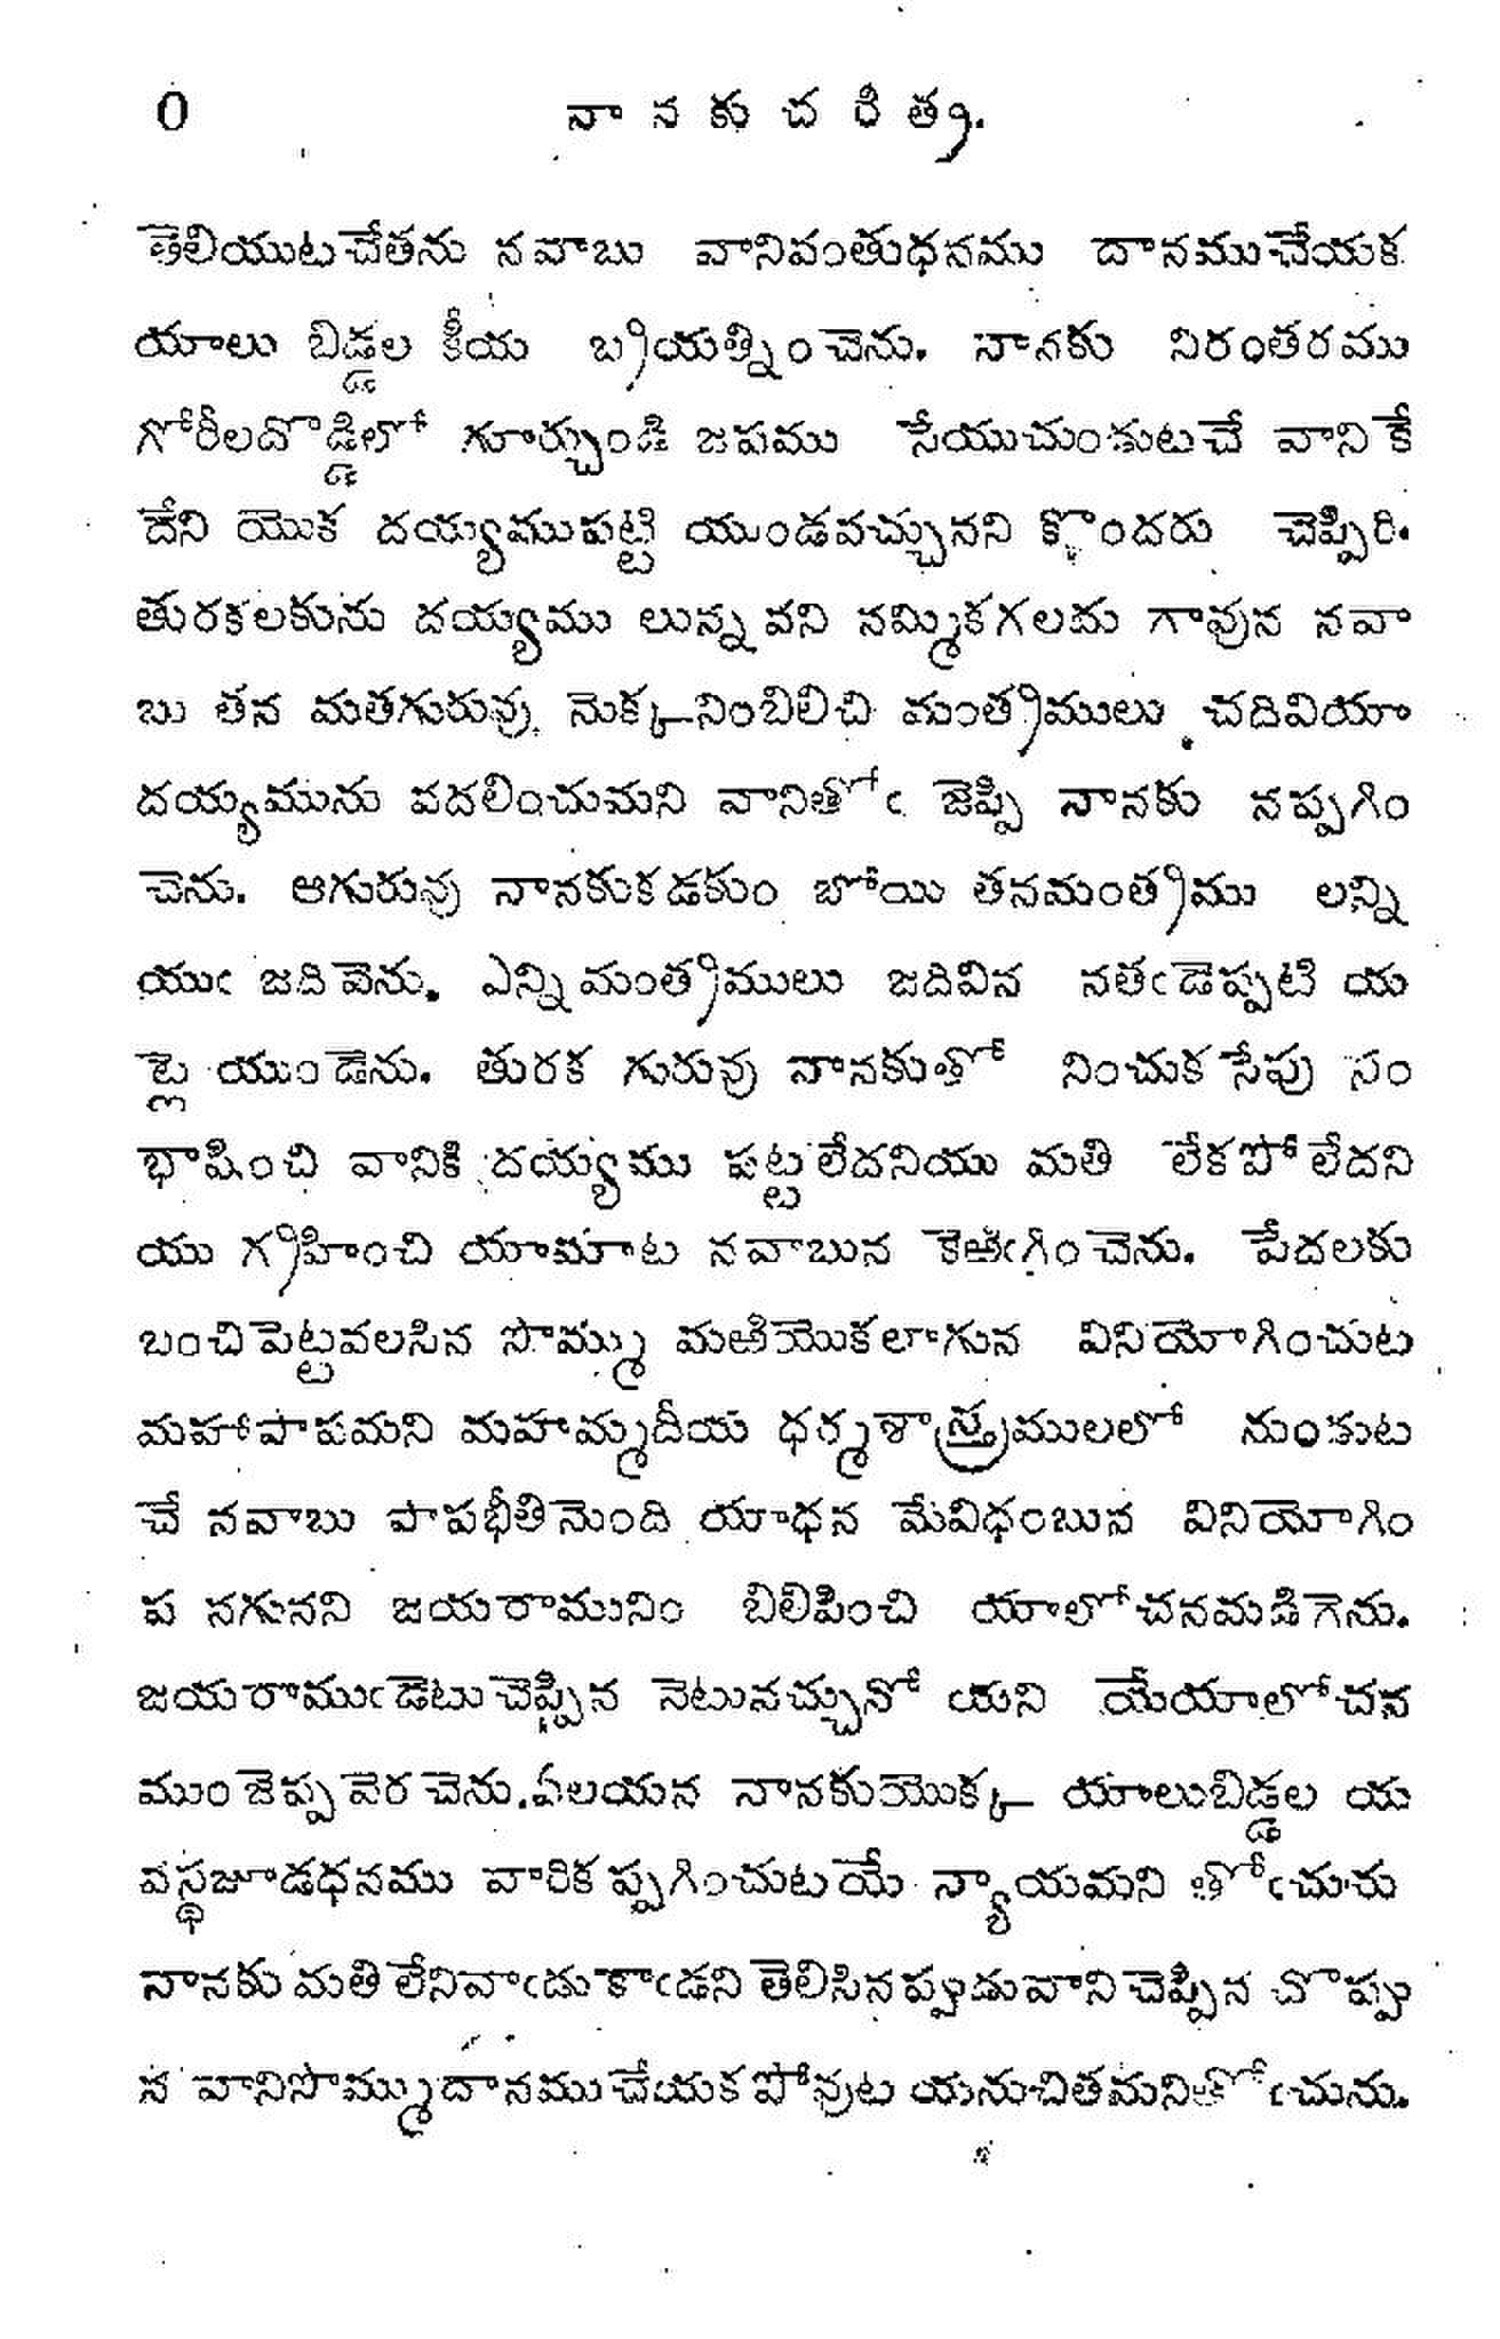తెలియుటచేతను నవాబు వానివంతుధనము దానముచేయక యాలు బిడ్డల కీయ బ్రయత్నించెను. నానకు నిరంతరము గీరీలదొడ్డిలో గూర్చుండి జపము సేయుచుండుటచే వానికేదేని యొక దయ్యముపట్టి యుండవచ్చునని కొందరు చెప్పిరి. తురకలకును దయ్యము లున్నవని నమ్మికగలదు. గావున నవాబు తన మతగురువు నొక్కనింబిలిచి మంత్రములు చదివియా దయ్యమును వదలించుమని వానితో జెప్పి నానకు నప్పగించెను. ఆగురువు నానకుకడకుం బోయి తనమంత్రము లన్నియు జదివెను. ఎన్ని మంత్రములు జదివిన నతడెప్పటి యట్లె యుండెను. తురక గురువు నానకుతో నించుకసేపు సంభాషించి వానికి దయ్యము పట్టలేదనియు మతి లేకపోలేదనియు గ్రహించి యామాట నవాబున కెఱిగించెను. పేదలకు బంచిపెట్టవలసిన సొమ్ము మఱియొకలాగున వినియోగించుట మహాపాపమని మహమ్మదీయ ధర్మశాస్త్రములలో నుండుటచే నవాబు పాపభీతినొంది యాధన మేవిధంబున వినియోగింప నగునని జయరామునిం బిలిపించి యాలోచనమడిగెను. జయరాముడెటుచెప్పిన నెటువచ్చునో యని యేయాలోచనముం జెప్పవెరచెను. ఏలయన నానకుయొక్క యాలుబిడ్డల యవస్థజూడధనము వారికప్పగించుటయే న్యాయమని తోచును నానకు మతిలేనివాడుకాడని తెలిసినప్పుడువానిచెప్పిన చొప్పున వానిసొమ్ముదానముచేయక పోవుట యనుచితమని తోచును.